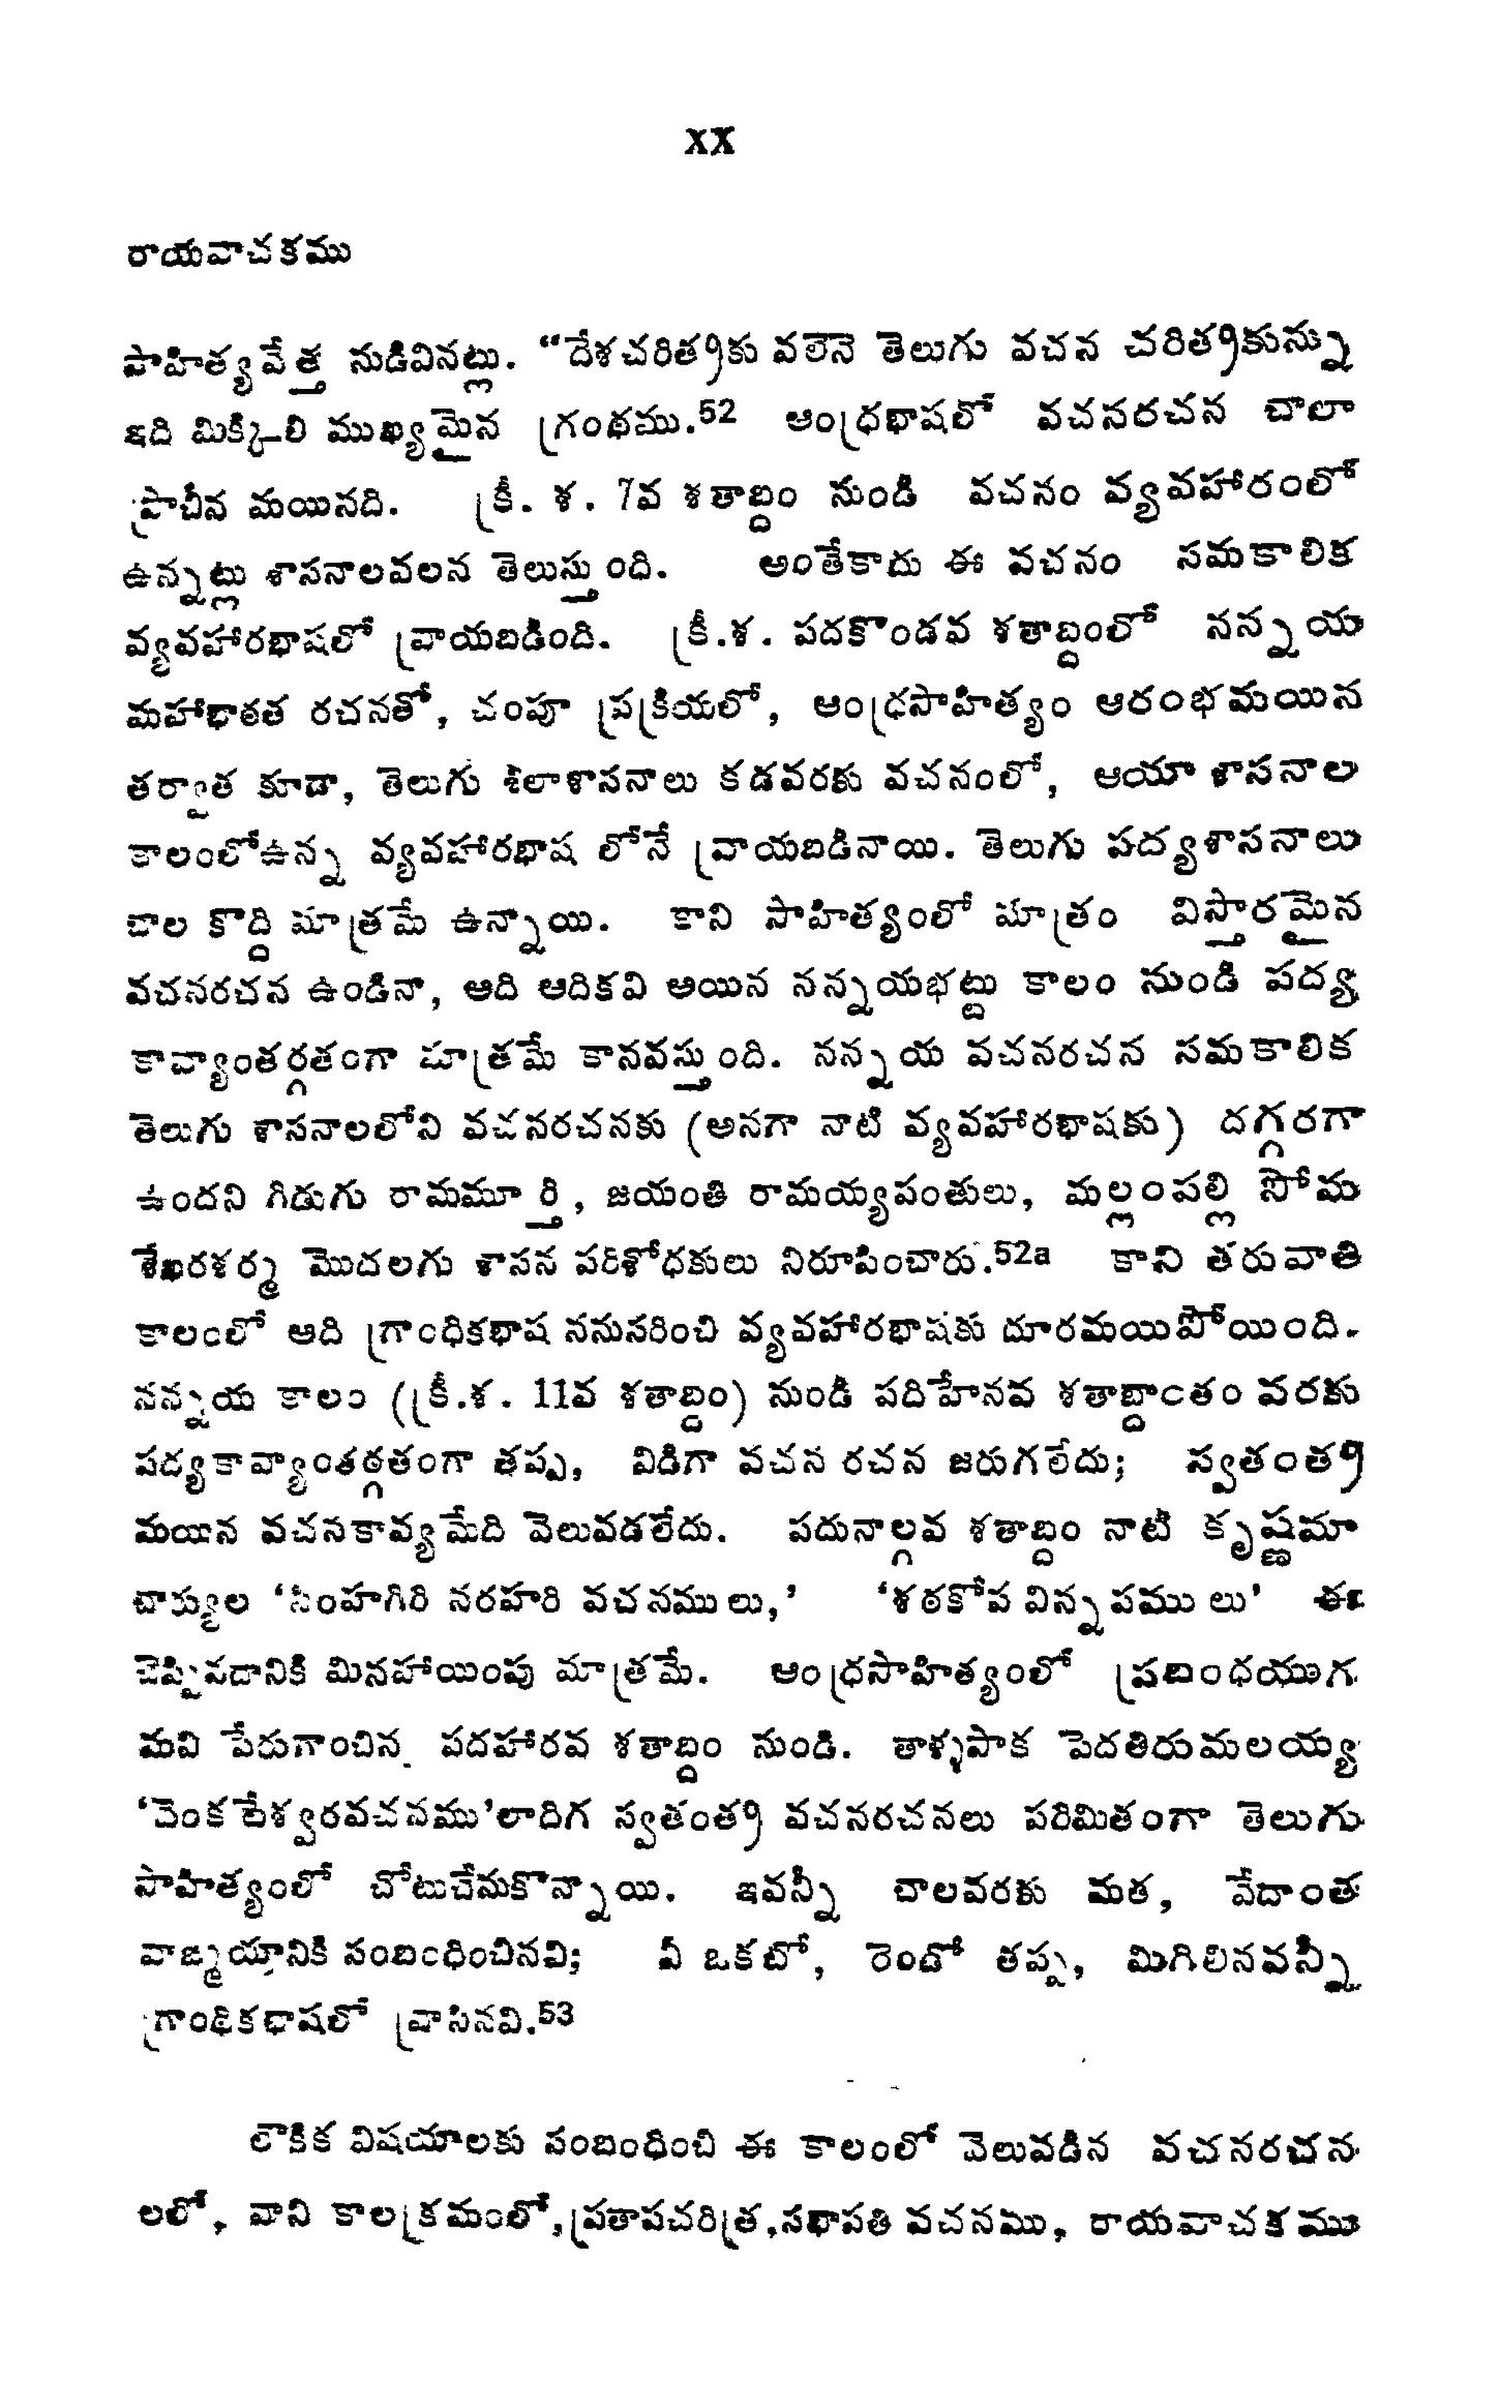సాహిత్యవేత్త నుడివినట్లు. “దేశచరిత్రకు వలెనె తెలుగువచనచరిత్రకున్ను ఇది మిక్కిలి ముఖ్యమైన గ్రంథము. ఆంధ్రభాషలో వచనరచన చాలా ప్రాచీన మయినది. క్రీ. శ. 7వ శతాబ్దం నుండి వచనం వ్యవహారంలో ఉన్నట్లు శాసనాలవలన తెలుస్తుంది.అంతేకాదు ఈ వచనం సమకాలిక వ్యవహారభాషలో వ్రాయబడింది. క్రీ.శ. పదకొండవ శతాబ్దంలో నన్నయ మహాభారత చనతో, చంపూప్రక్రియలో, ఆంధ్రసాహిత్యం ఆరంభమయిన తర్వాత కూడా, తెలుగు శిలాశాసనాలు కడవరకు వచనంలో, ఆయా శాసనాల కాలంలోఉన్న వ్యవహారభాష లోనే వ్రాయబడినాయి. తెలుగు పద్యశాసనాలు చాల కొద్ది మాత్రమే ఉన్నాయి. కాని సాహిత్యంలో మాత్రం విస్తారమైన వచనరచన ఉండినా, అది ఆదికవి అయిన నన్నయభట్టు కాలం నుండి పద్య కావ్యాంతర్గతంగా మాత్రమే కానవస్తుంది. నన్నయ వచన రచన సమకాలిక తెలుగు శాసనాలలోని వచనరచనకు (అనగా నాటి వ్యవహారభాషకు )దగ్గరగా ఉందని గిడుగు రామమూర్తి, జయంతి రామయ్య పంతులు, మల్లంపల్లి సోమశేఖరశర్మ మొదలగు శాసన పరిశోధకులు నిరూపించారు.కాని తరువాతి కాలంలో అది గ్రాంథికభాష ననుసరించి వ్యవహారభాషకు దూరమయిపోయింది. నన్నయ కాలం (క్రీ.శ. 11వ శతాబ్దం) నుండి పదిహేనవ శతాబ్దాంతం వరకు పద్యకావ్యాంతర్గతంగా తప్ప, విడిగా వచన రచన జరుగలేదు; స్వతంత్ర మయిన వచనకావ్యమేది వెలువడలేదు. పదునాల్గవ శతాబ్దం నాటి కృష్ణమాచార్యుల 'సింహగిరి నరహరి వచనములు,' 'శఠకోప విన్నపములు' ఈ చెప్పినదానికి మినహాయింపు మాత్రమే. ఆంధ్రసాహిత్యంలో ప్రబంధయుగమవి పేరుగాంచిన పదహారవ శతాబ్దం నుండి తాళ్ళపాక పెదతిరుమలయ్య 'వెంకటేశ్వరవచనము’ లాదిగ స్వతంత్య్ర వచనరచనలు పరిమితంగా తెలుగుసాహిత్యంలో చోటు చేసుకొన్నాయి. ఇవన్నీ చాలవరకు మత, వేదాంత వాఙ్మయానికి సంబంధించినవి; ఏ ఒకటో, రెండో తప్ప, మిగిలినవన్నీ గ్రాంథికభాషలో వ్రాసినవి.

లౌకిక విషయాలకు సంబంధించి ఈ కాలంలో వెలువడిన వచనరచనలలో, వాని కాలక్రమంలో, ప్రతాపచరిత్ర, సభాపతి వచనము, రాయవాచకము